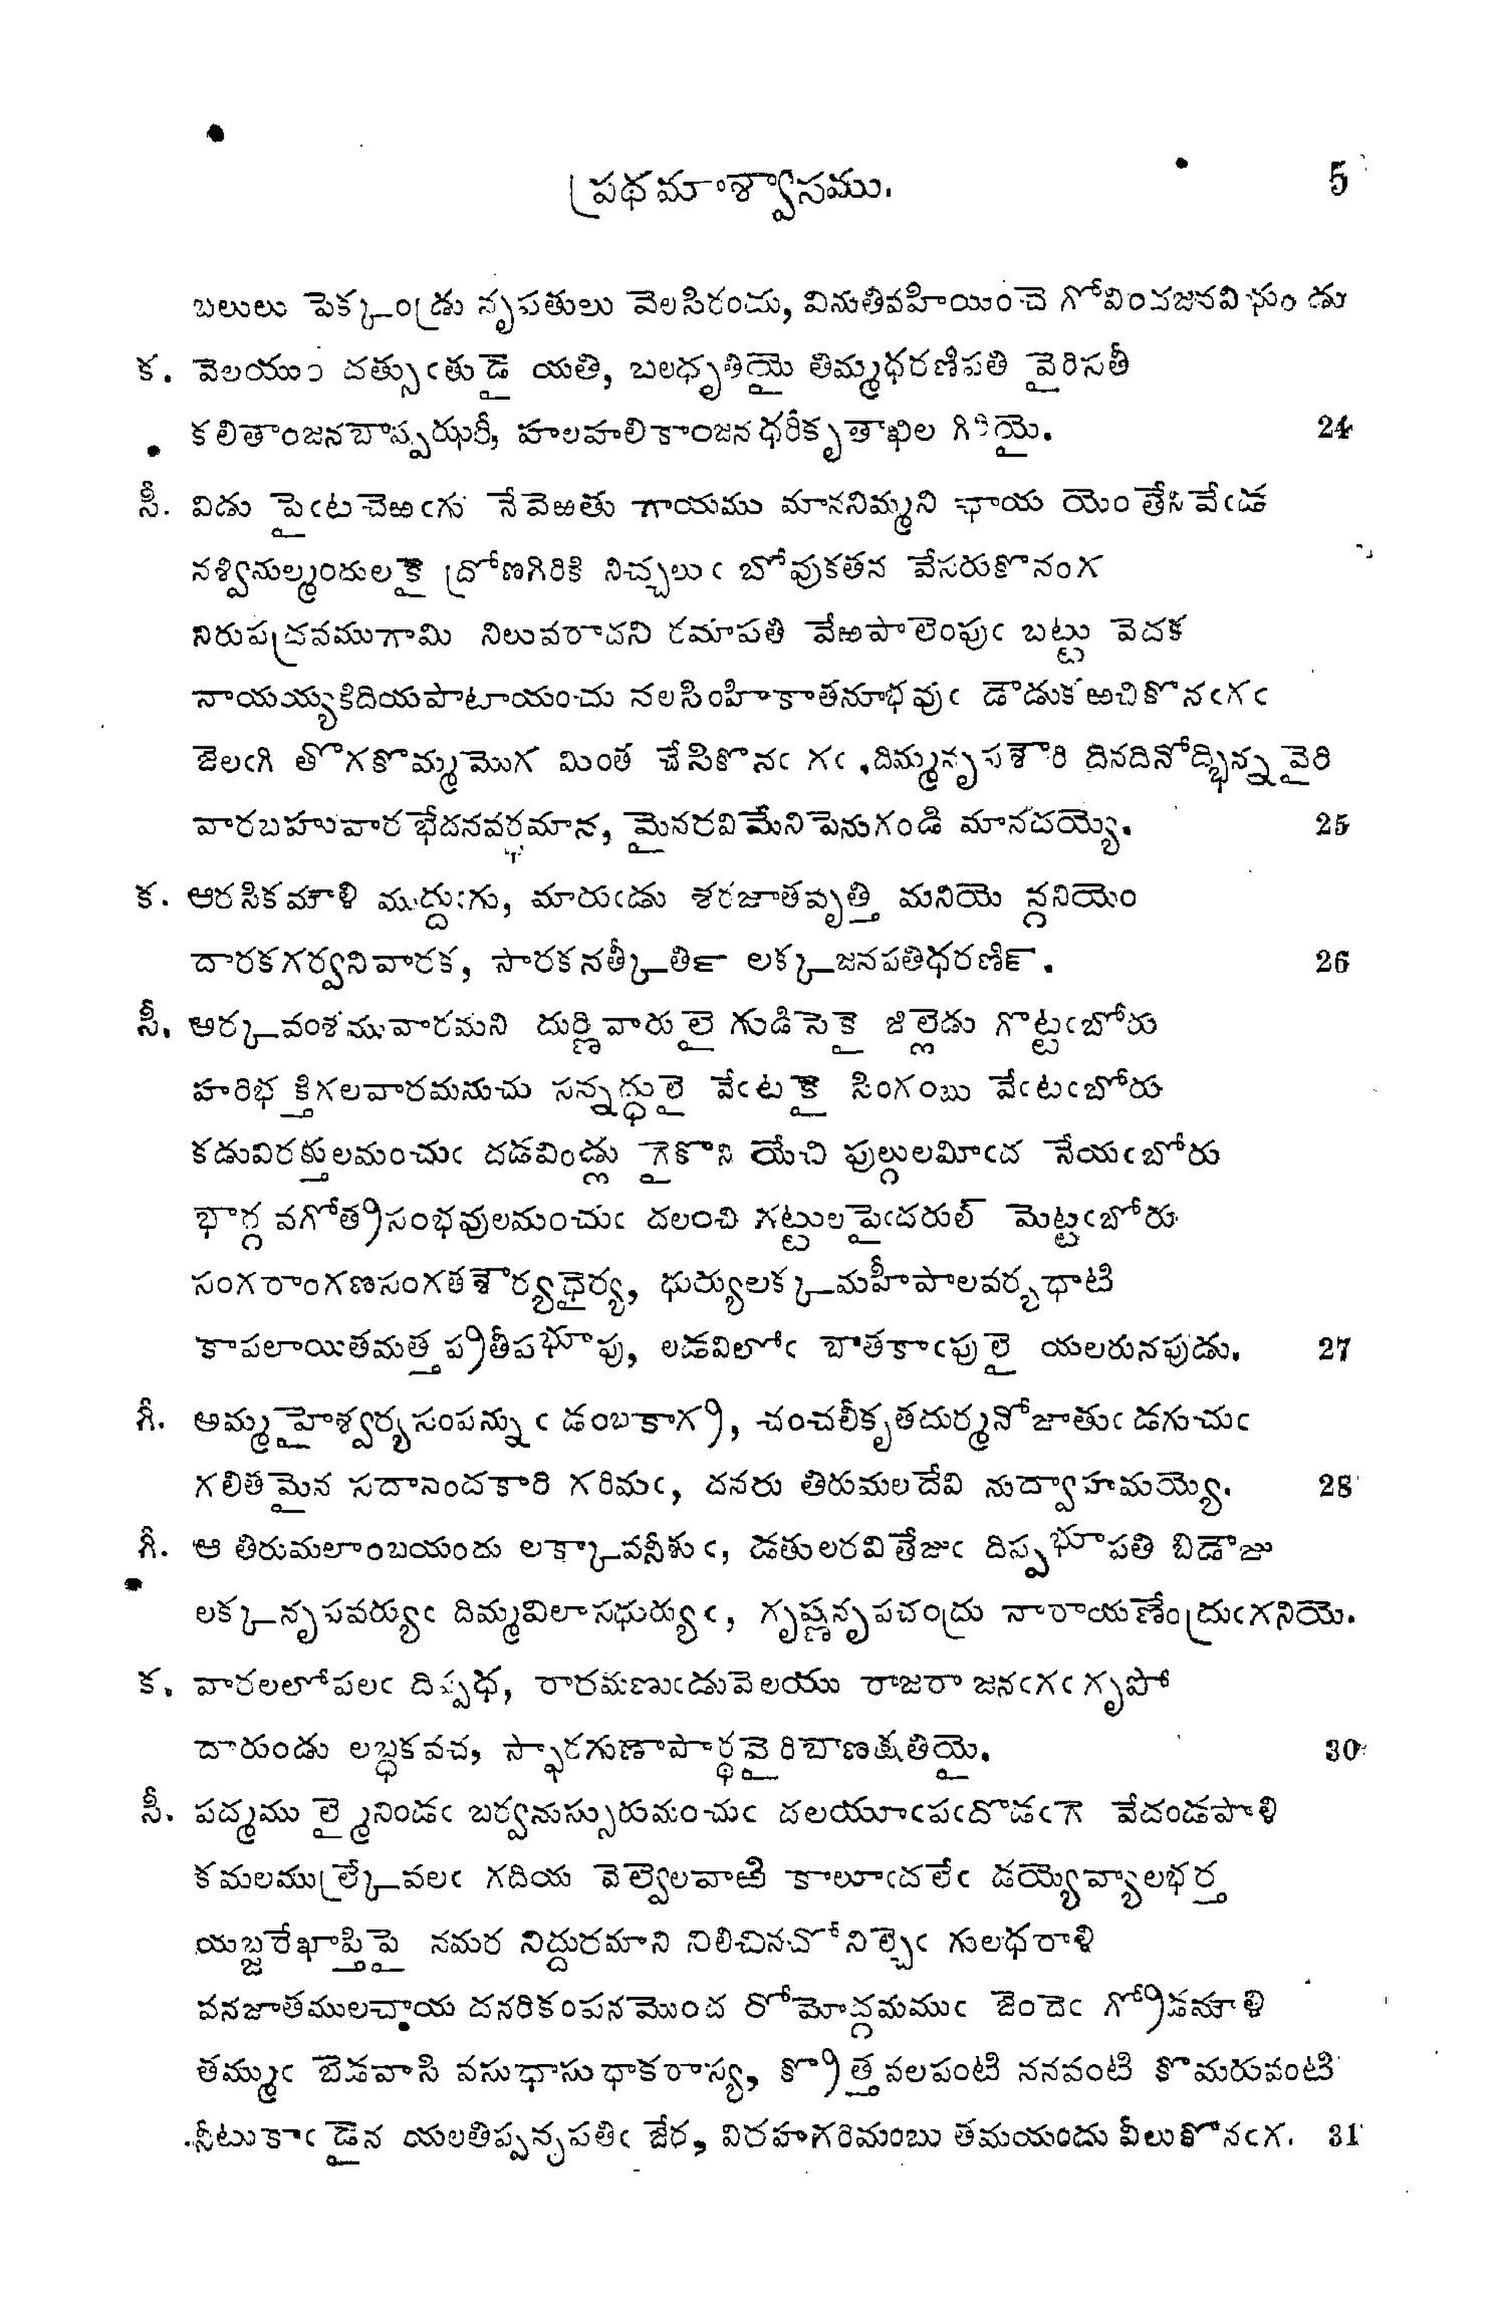బలులు పెక్కండ్రు నృపతులు వెలసి రందు, వినుతి వహియించె గోవిందజనవిభుండు.
క. వెలయుం దత్సుఁతుడై యతి, బలధృతియై తిమ్మధరణిపతి వైరిసతీ
కలితాంజనబాష్పఝరీ, హలహలికాంజనధరీకృతాఖిలగిరియై.
సీ. విడు పైఁటచెఱఁగు నే వెఱతు గాయము మాననిమ్మని ఛాయ యెంతేసి వేఁడ
నశ్విను ల్మందులకై ద్రోణగిరికి నిచ్చలుఁ బోవుకతన వేసరుకొనంగ
నిరుపద్రవముగామి నిలువరాదని రమాపతి వేఱపాలెంపుఁ బట్టు వెదక
నాయయ్య కిదియపాటాయంచు నలసింహికాతనూభవుఁ డౌడు కఱచికొనఁగఁ
జెలఁగి తొగకొమ్మమొగ మింత చేసికొనఁగఁ, దిమ్మనృపశౌరి దినదినోద్భిన్నవైరి
వారబహువారభేదనవర్ధమాన, మైనరవిమేనిపెనుగండి మానదయ్యె.
క. ఆరసికమౌళి ముద్దుఁగు, మారుఁడు శరజాతవృత్తి మనియె న్గనియెం
దారకగర్వనివారక, సారకనత్కీర్తి లక్కజనపతి ధరణిన్.
సీ. ఆర్కవంశమువారమని దుర్ణివారులై గుడిసెకై జిల్లెడు గొట్టఁబోరు
హరిభ క్తిగలవారమనుచు సన్నద్ధులై వేఁటకై సింగంబు వేఁటఁబోరు
కడువిరక్తులమంచుఁ దడవిండ్లు గైకొని యేచి పుల్గులమీఁద నేయఁబోరు
భార్గవగోత్రసంభవులమంచుఁ దలంచి గట్టులపైఁ దరుల్ మెట్టఁబోరు
సంగరాంగణసంగతశౌర్యధైర్య, ధుర్యు లక్కమహీపాలవర్యధాటి
కాపలాయితమత్తప్రతీపభూపు, లడవిలోఁ బాతకాఁపులై యలరునపుడు.
గీ. అమ్మహైశ్వర్యసంపన్నుఁ డంబకాగ్ర, చంచలీకృతదుర్మనోజాతుఁ డగుచుఁ
గలితమైన సదానందకారి గరిమఁ, దనరు తిరుమలదేవి నుద్వాహమయ్యె.
గీ. ఆ తిరుమలాంబయందు లక్కావనీశుఁ, డతులరవితేజుఁ దిప్పభూపతి బిడౌజు
లక్కనృపవర్యుఁ దిమ్మవిలాసధుర్యుఁ, గృష్ణనృపచంద్రు నారాయణేంద్రుఁ గనియె.
క. వారలలోపలఁ దిప్పధ, రారమణుఁడు వెలయు రాజరా జనఁగఁ గృపో
దారుండు లబ్ధకవచ, స్ఫారగుణాపార్థవైరిబాణక్షతియై.30
సీ. పద్మము ల్మైనిండఁ బర్వ నుస్సురుమంచుఁ దలయూఁపఁదొడఁగె వేదండపాళి
కమలము ల్క్రేవలఁ గదియ వెల్వెలవాఱి కాలూఁదలేఁ డయ్యె వ్యాలభర్త
యజ్ఞరేఖాప్తిపై నమర నిద్దురమాని నిలిచినచో నిల్చెఁ గులధరాళి
వనజాతములచ్చాయ దనరి కంపనమొంద రోమోద్గమముఁ జెందెఁ గ్రోడమౌళి
తమ్ముఁ బెడవాసి వసుధాసుధాకరాస్య, క్రొత్తవలపంటి ననవంటి కొమరువంటి
నీటుకాఁడైన యలతిప్పనృపతిఁ జేర, విరహగరిమంబు తమయందు వీలుకొనఁగ.